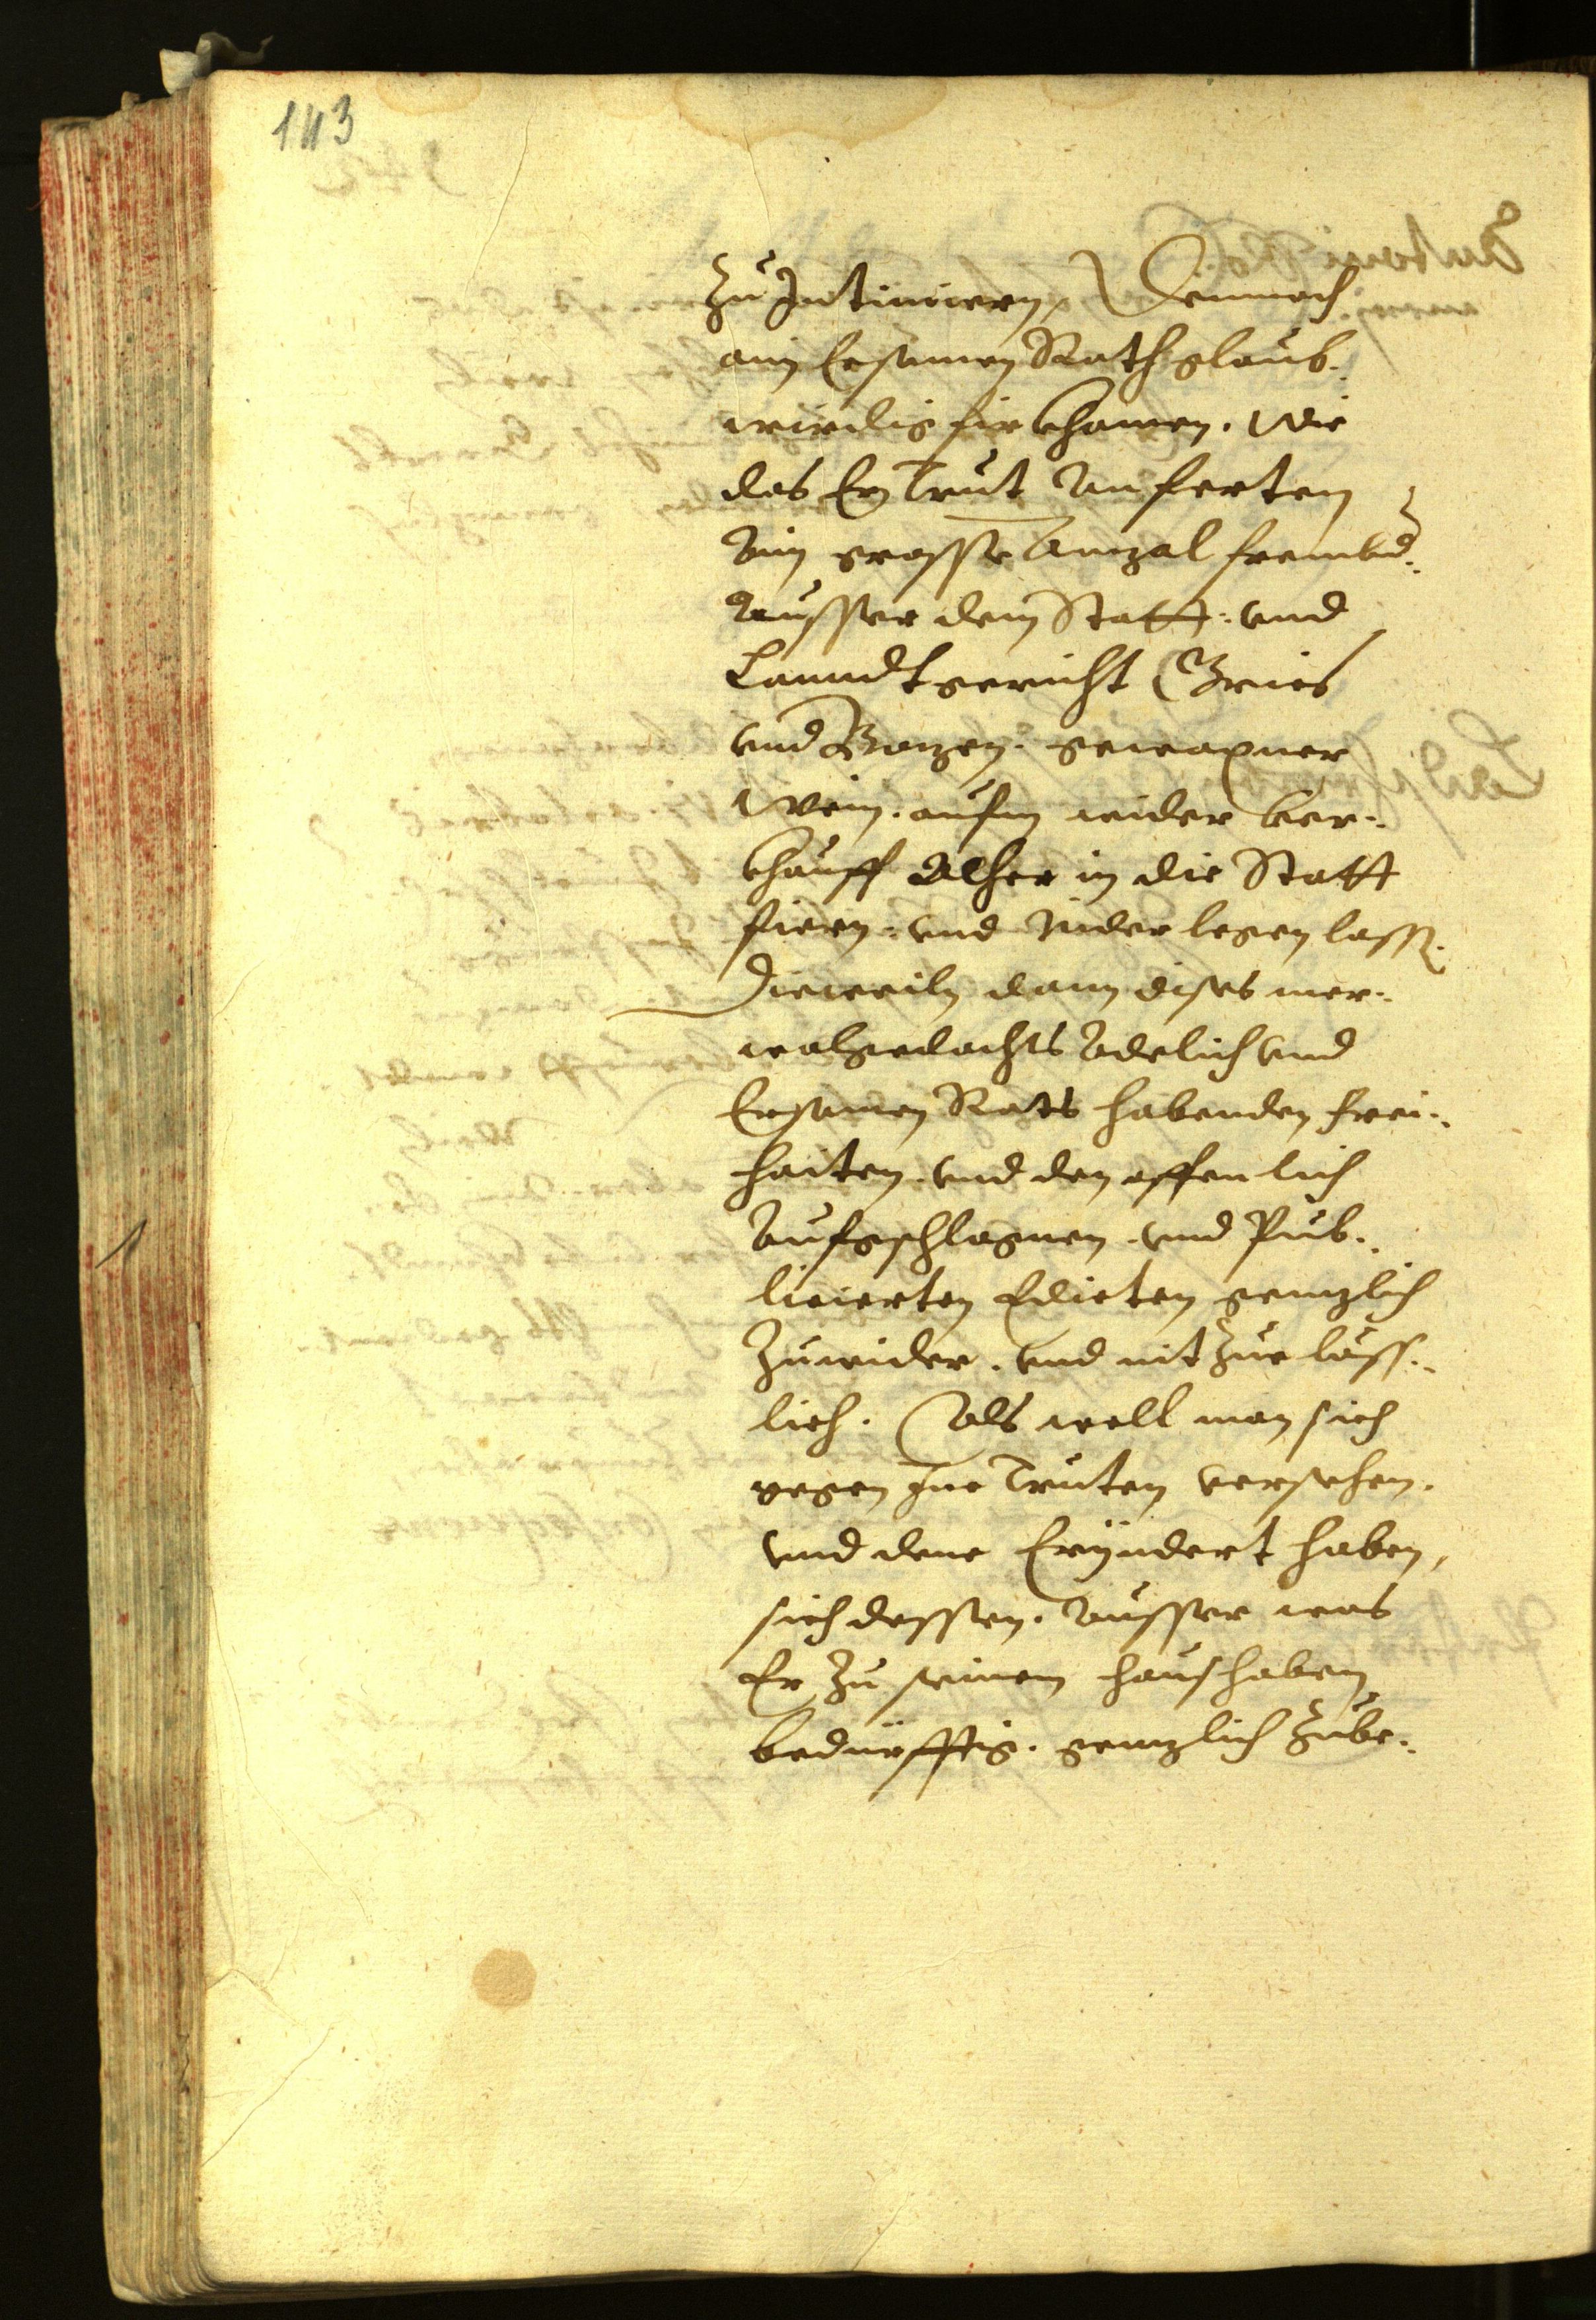143
Zū Intimiern, Demnach
aim Ersamen Rath glaūb¬
wirdig fir khomen. Wie
das Er Trūt Anferten
Ain grosse Anzal frembd:
Aūsser dem Statt: vnd
Lanndtgericht Gries
vnd Bozen. gewaxner
Wein. aūfm wider ver¬
khaūff Alher in die Statt
fiern: vnd nider legen lass.
Dieweiln dann dises mer¬
wolgedachts Adelich vnd
Ersamen Rats habenden frei¬
haiten. vnd den offen lich
Aūfgschlagnen. vnd Pūb¬
licierten Edicten gennzlich
Zūwider. vnd nit Zūe lāss¬
lich. Als well man sich
gegen Ine Trūten versehen.
vnd dene Erÿndert haben,
sich dessen. Aūsser was
Er Zū seinem haūshaben
bedürfftig. gennzlich Zūbe¬